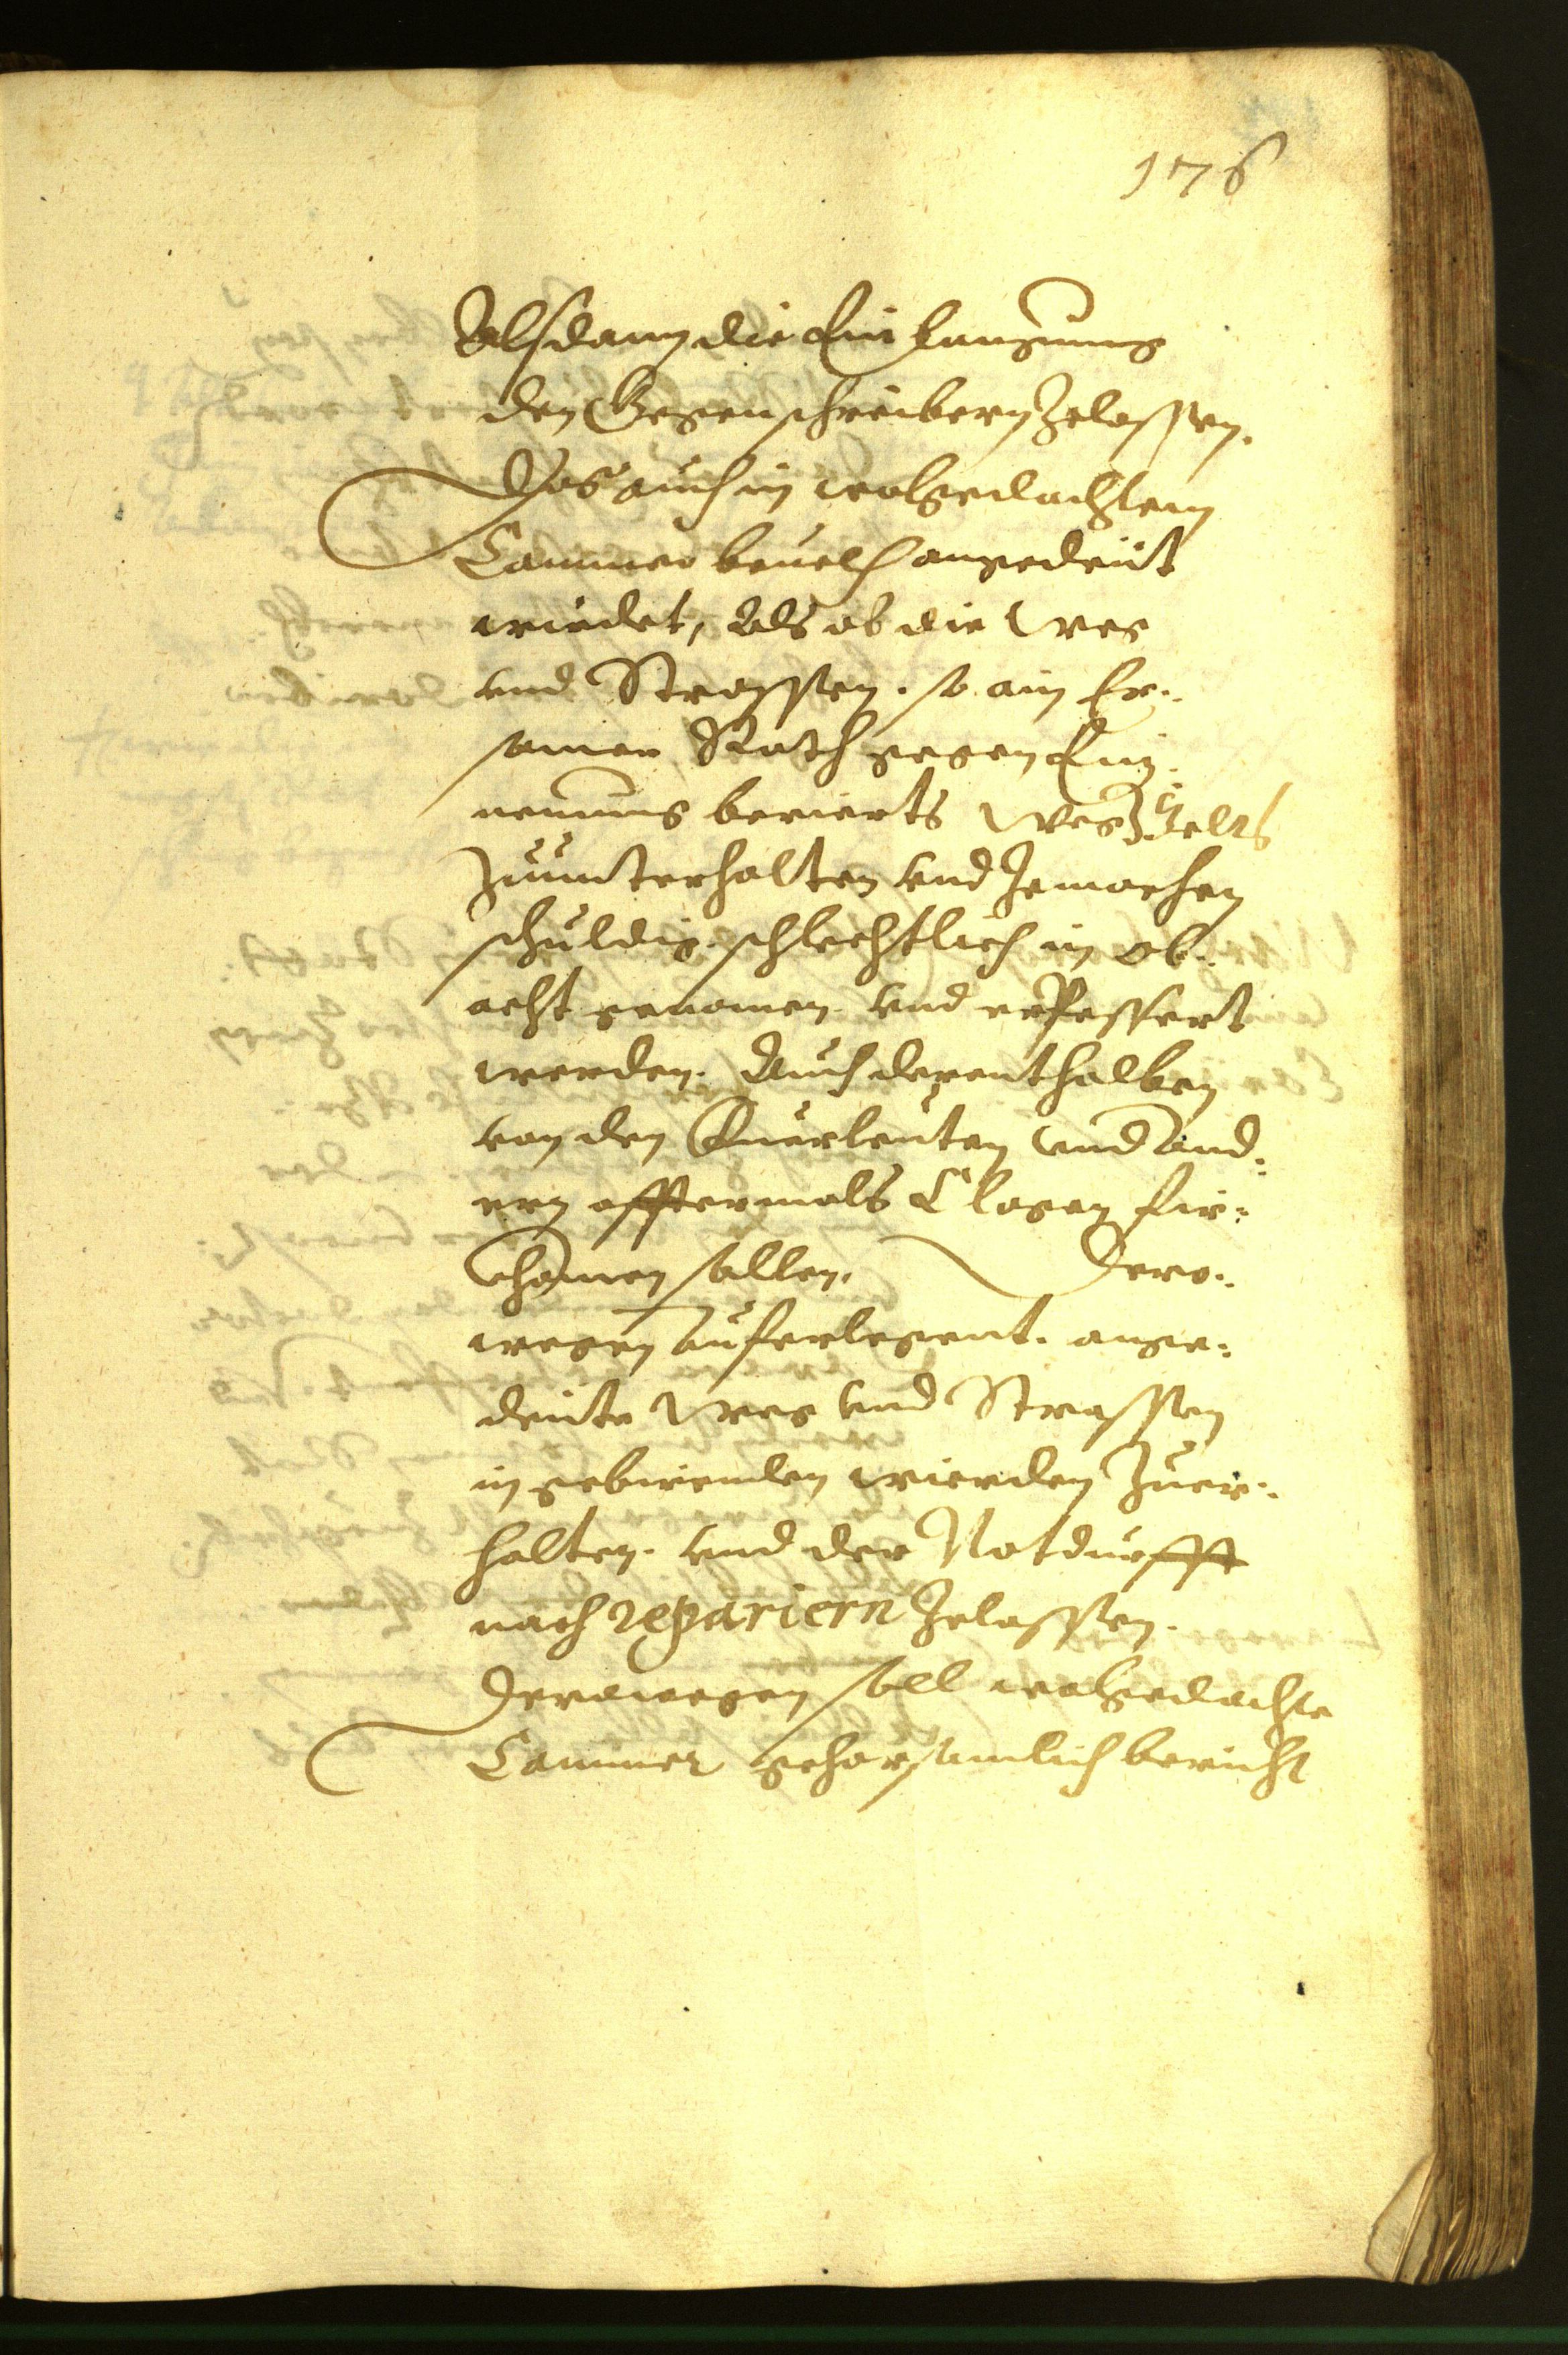176
Alsdann die Einlangūng
den Gegenschreibern Zelassen.
Das aūch in wolgedachtem
Cammer beūelh angedeüt
wirdet, Als ob die Weg
vnd Strassen. so ain Er¬
samer Rath gegen Ein¬
nemūng berierts Weg Gelts
Zūūnterhalten vnd Zemachen
schūldig. schlechtlich in ob¬
acht genomen. vnd erPessert
werden. Aūch derenthalben
von den Fūerleūten vnd And¬
ern offtermals Clagen fir¬
khomen sollen. Dero¬
wegen Aūferlegent. ange¬
deite Weg vnd Strassen
in gebirenden wierden Zūer¬
halten. vnd der Notdūrfft
nach repariern Zelassen.
Derowegen soll wolgedachte
Cammer gehorsamlich bericht